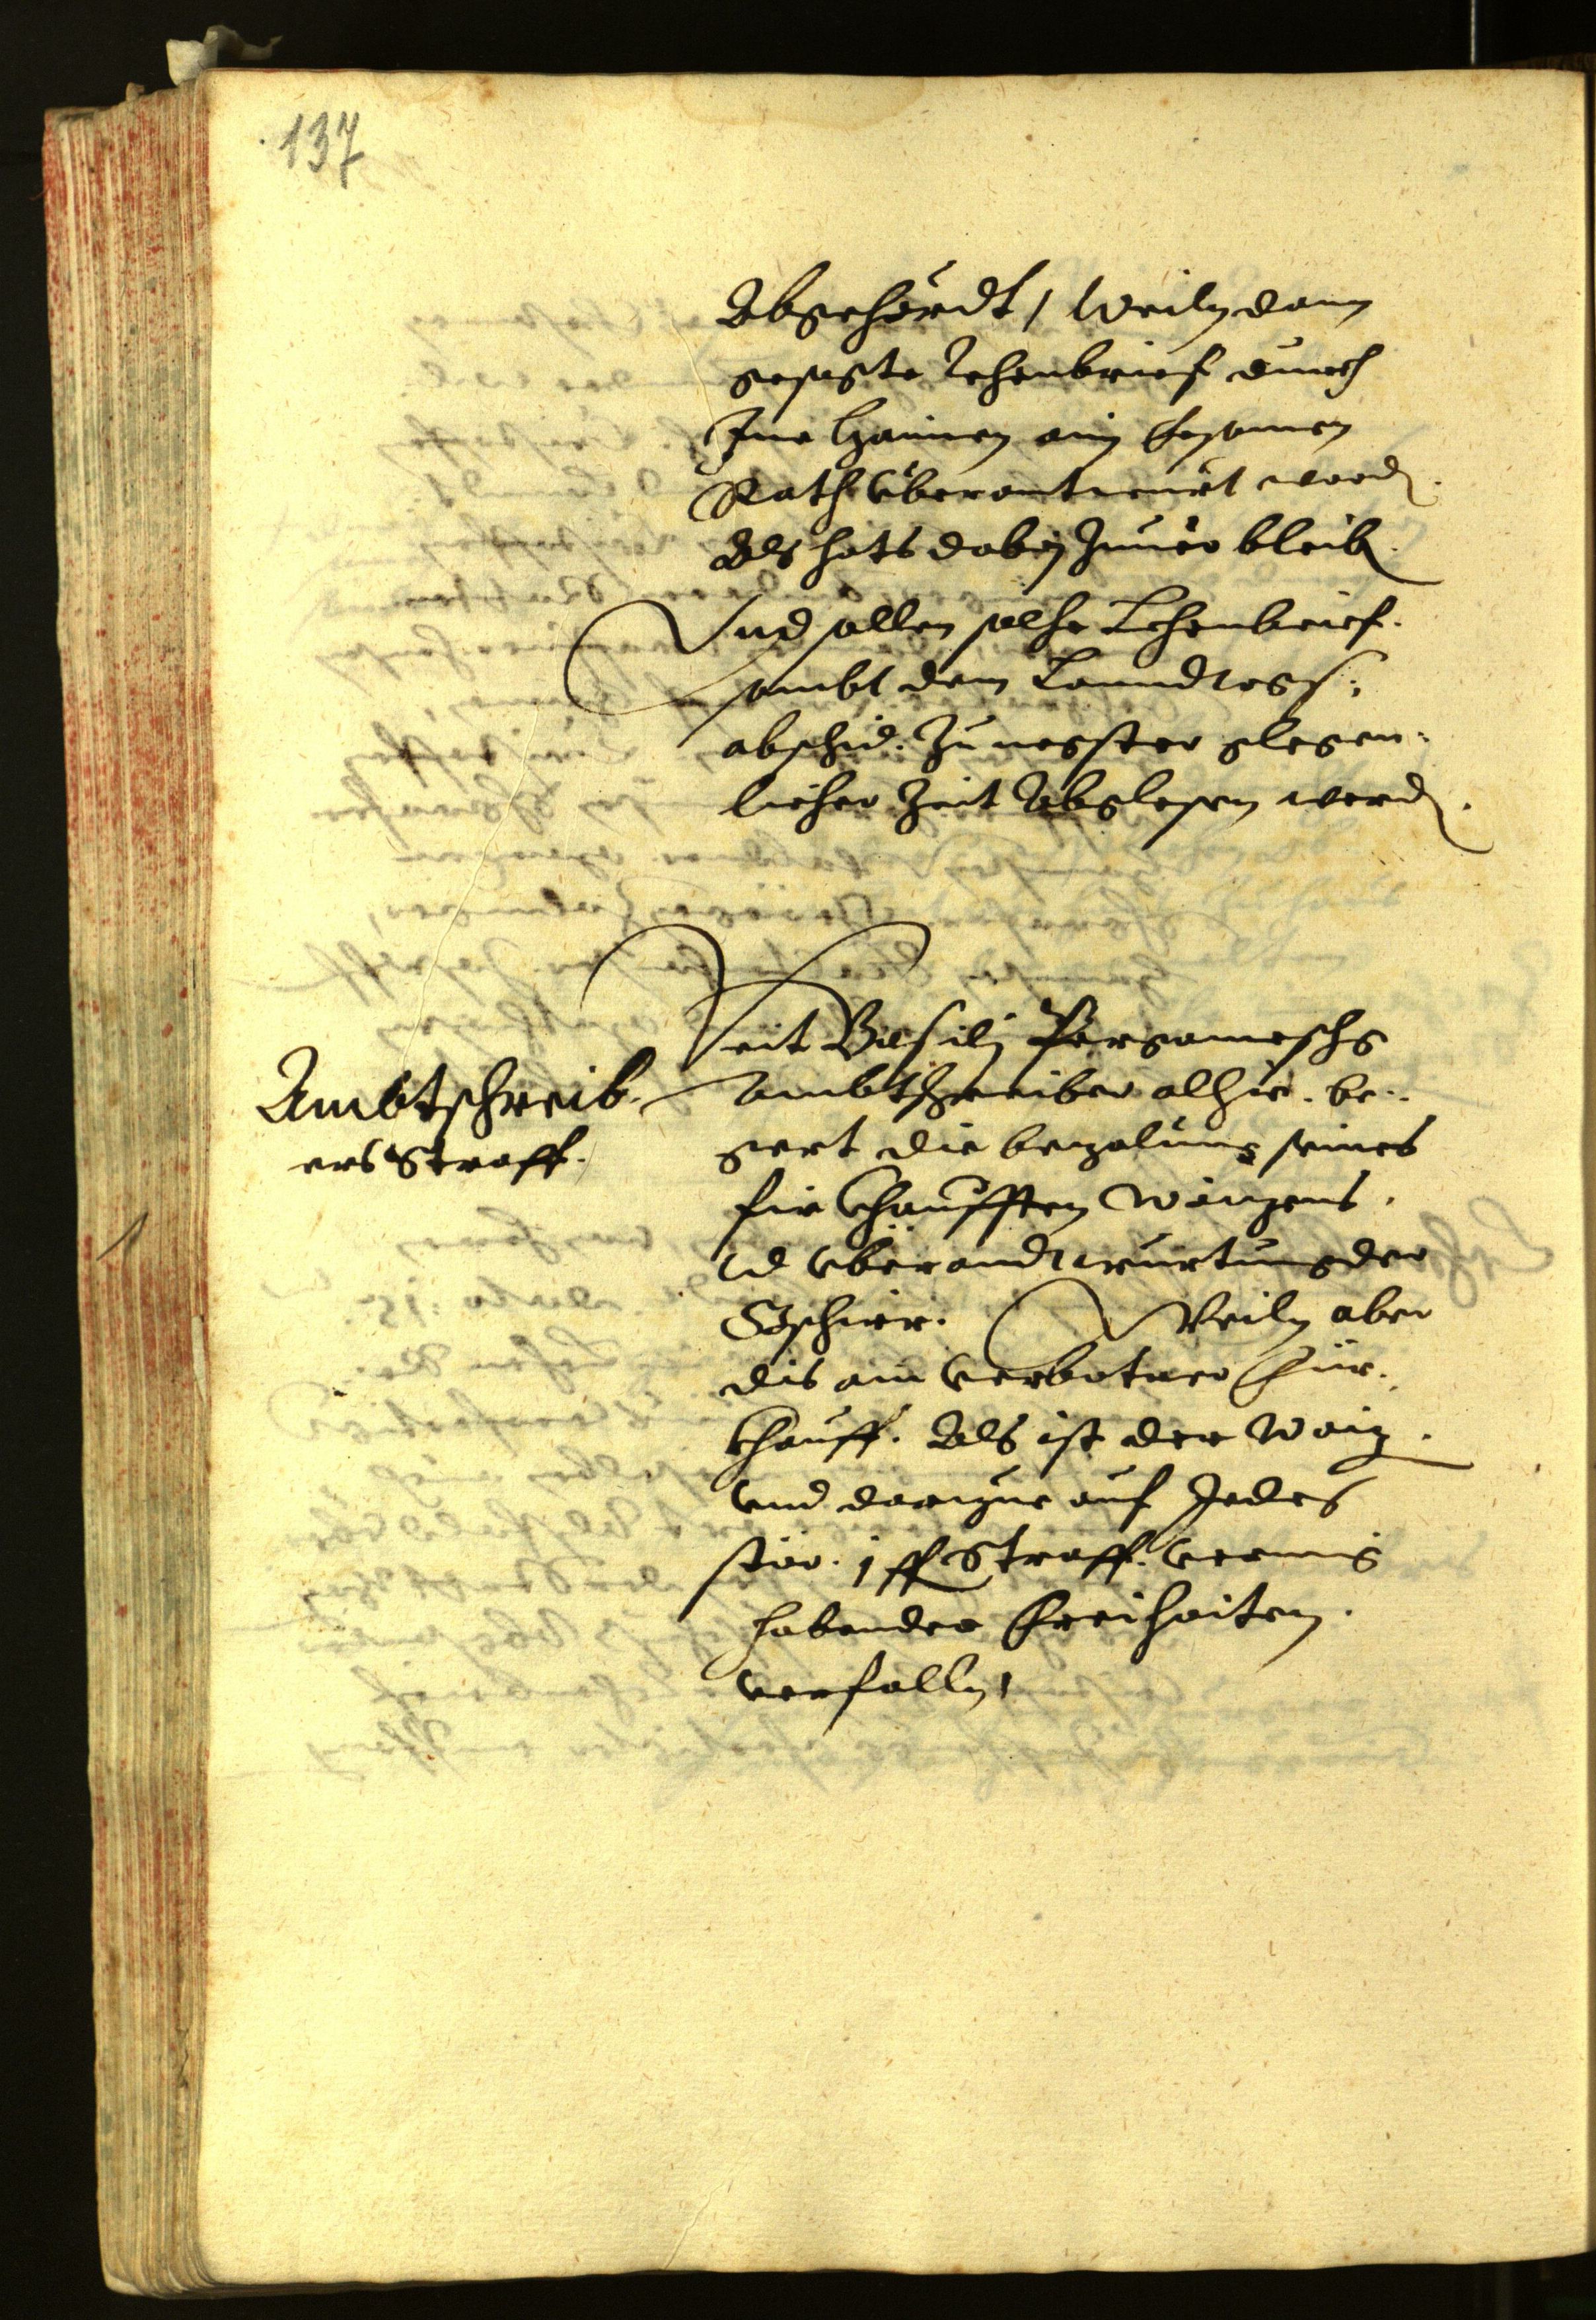137
Abgehōrdt, Weiln dann
gesagte Lehenbrief dūrch
Ime Haimen aim Ersamen
Rath v̄berantwūrt werd.
Als hats dabej Zūūerbleib.
Vnd sollen solhe Lehenbrief.
sambt den Lanndtags¬
abschid. Zū negster glegen¬
licher Zeit Abglesen werd.
Veit Basilj Pergameschg
Ambtschreiber alhie. be¬
gert die bezalūng seines
fir khaūfften waizens.
vnd v̈berandtwūrtūng der
Gschirr. Weiln aber
dis ain verbotner Für¬
khaūff. Als ist der Waiz
vnd darzūe aūf Jedes
stär. 1 fl Straff. vermig
habender Freihaiten.
verfalln,
Ambtschreib¬
ers Straff.